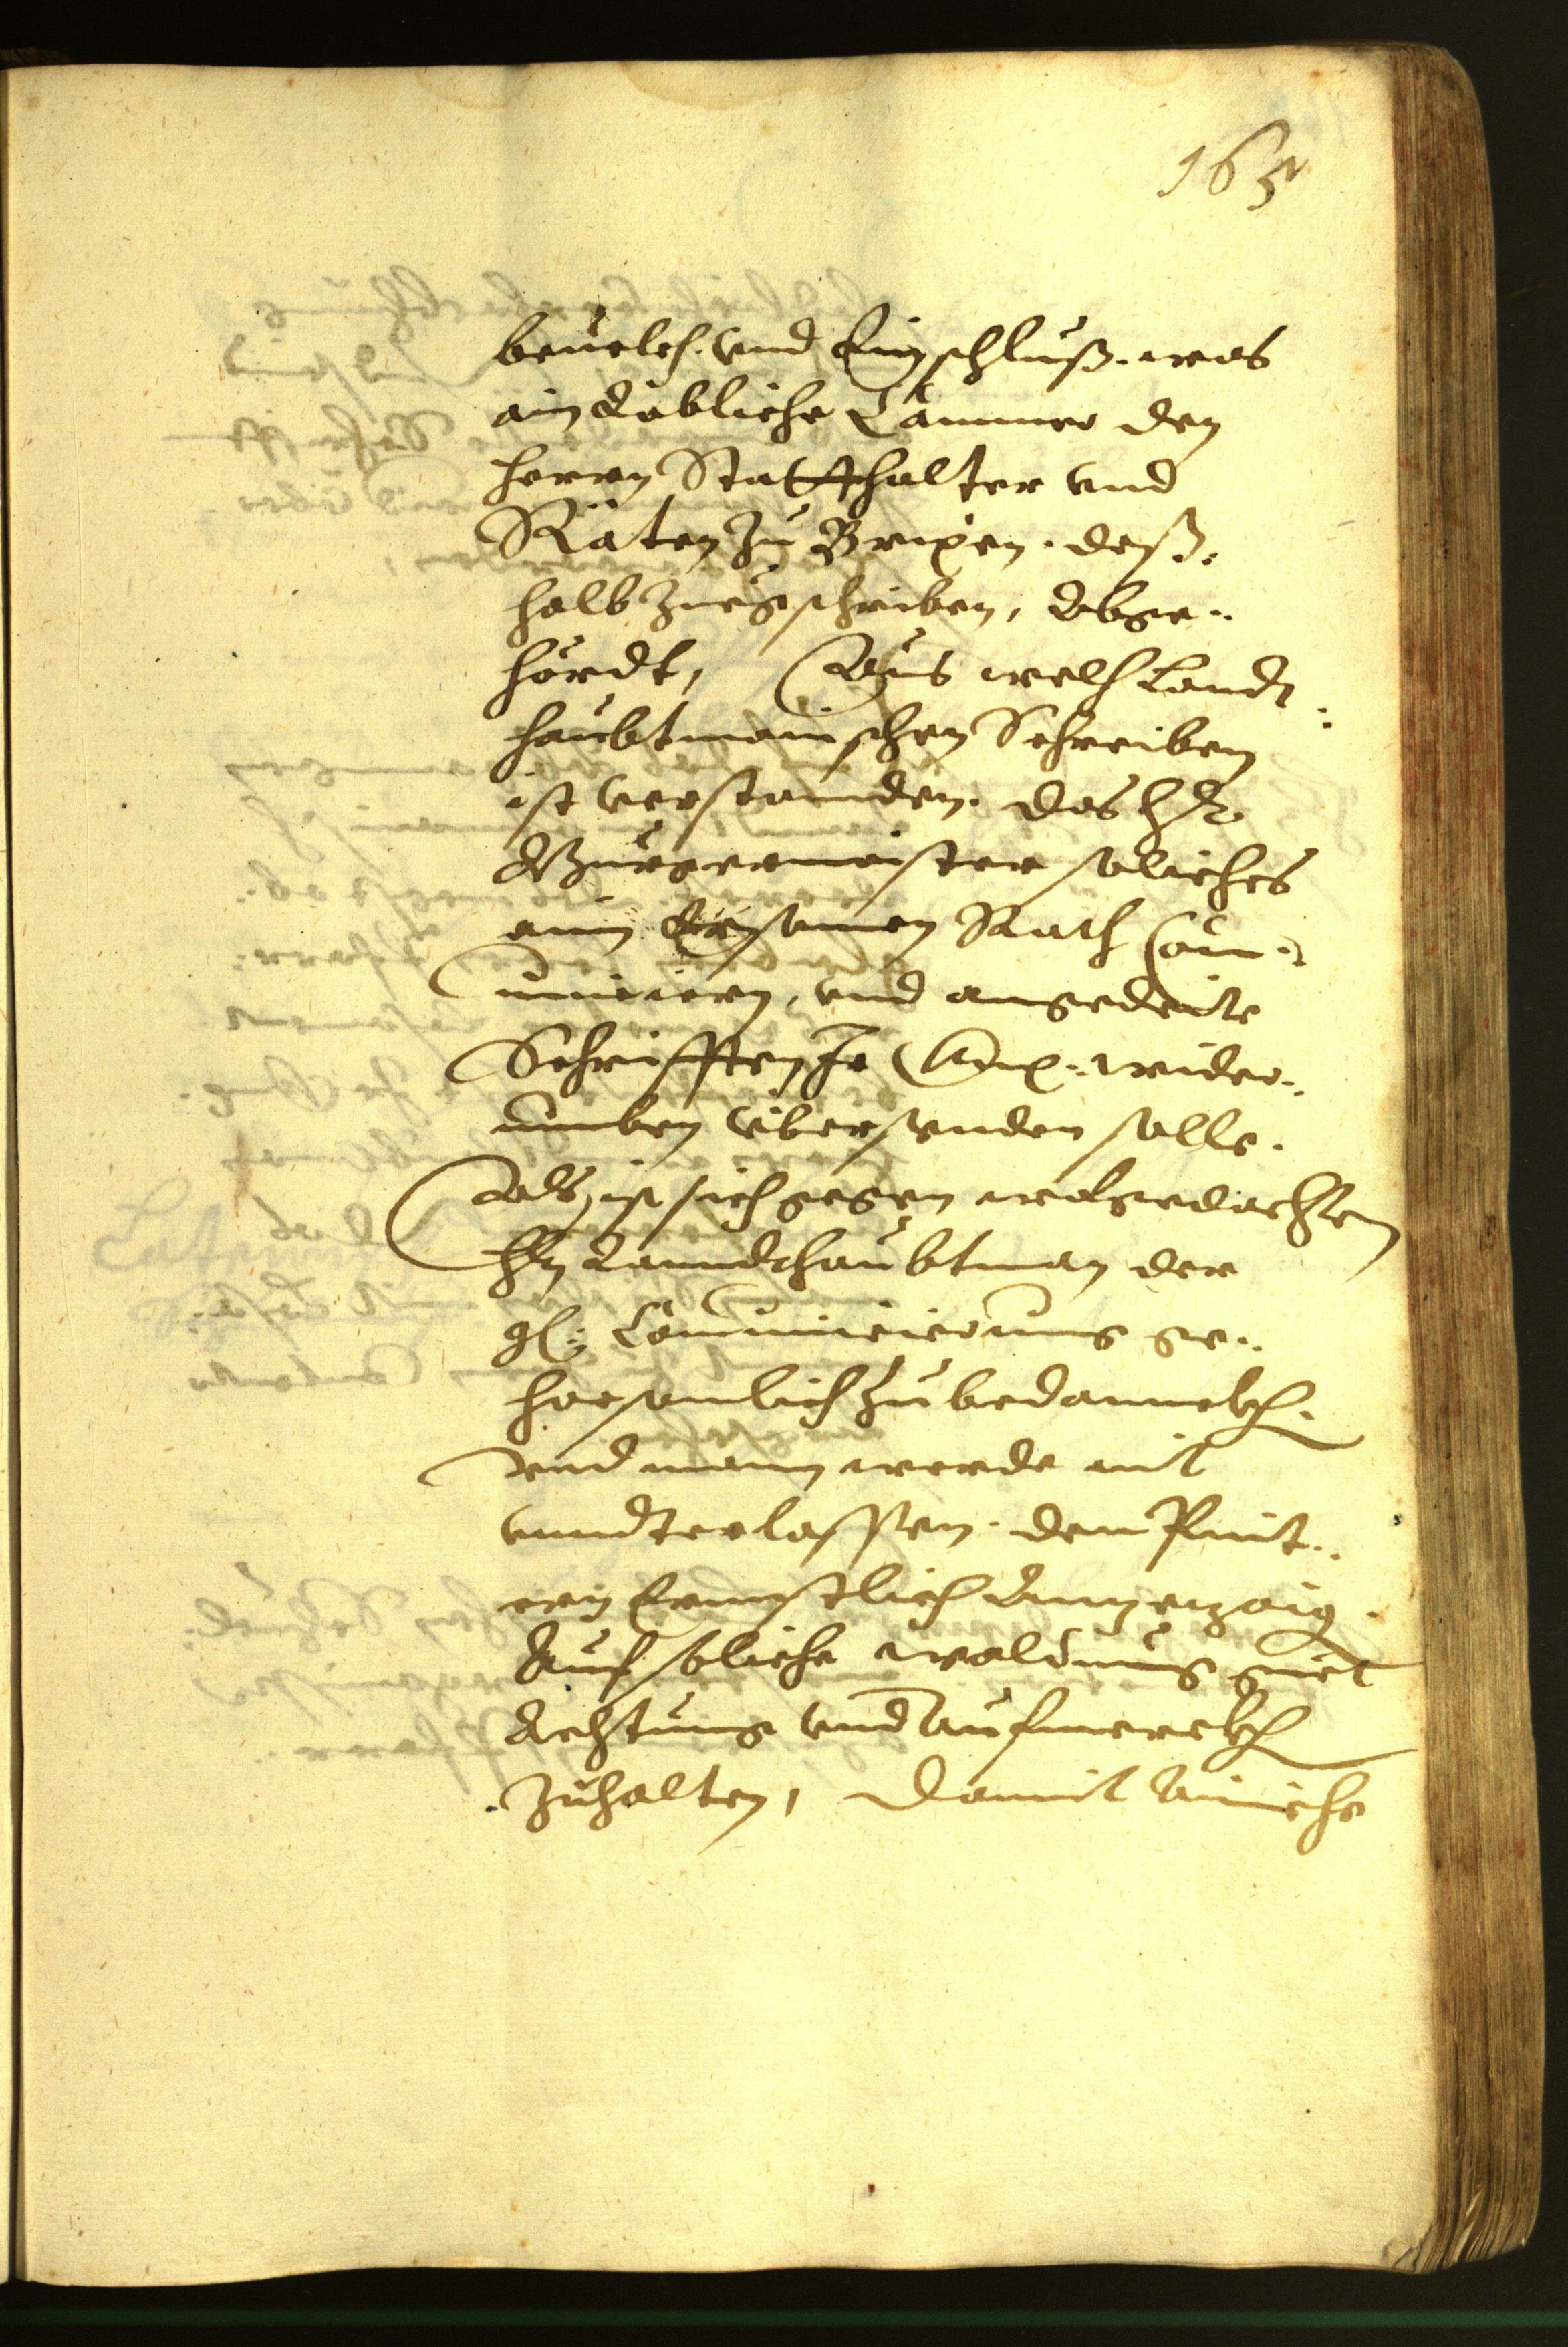165
beūelch. vnd Einschlūß. was
ain Lobliche Cammer den
herrn Statthalter vnd
Räten Zū Brixen. deß¬
halb Zūegschriben, Abge¬
hōrdt, Aūs welh Landt¬
haūbtmanischen Schreiben
ist verstannden. das h.
Būrgermaister soliches
aim Ersamen Rath Com¬
ūniciern, vnd angedeite
Schrifften Ir Gn: wider¬
ūmben v̈bersenden solle.
Als ist sich gegen wolgedachten
hln Lanndthaūbtman der
g: Comūnicierūng ge¬
horsamlich Zū bedannckh.
vnd mann werde nit
vnndterlassen. den Pint¬
ern Ernnstlich Anzezaig.
Aūf soliche waldūng gūet
Achtūng vnd Aūfmerckh
Zūhalten, damit Ainiche